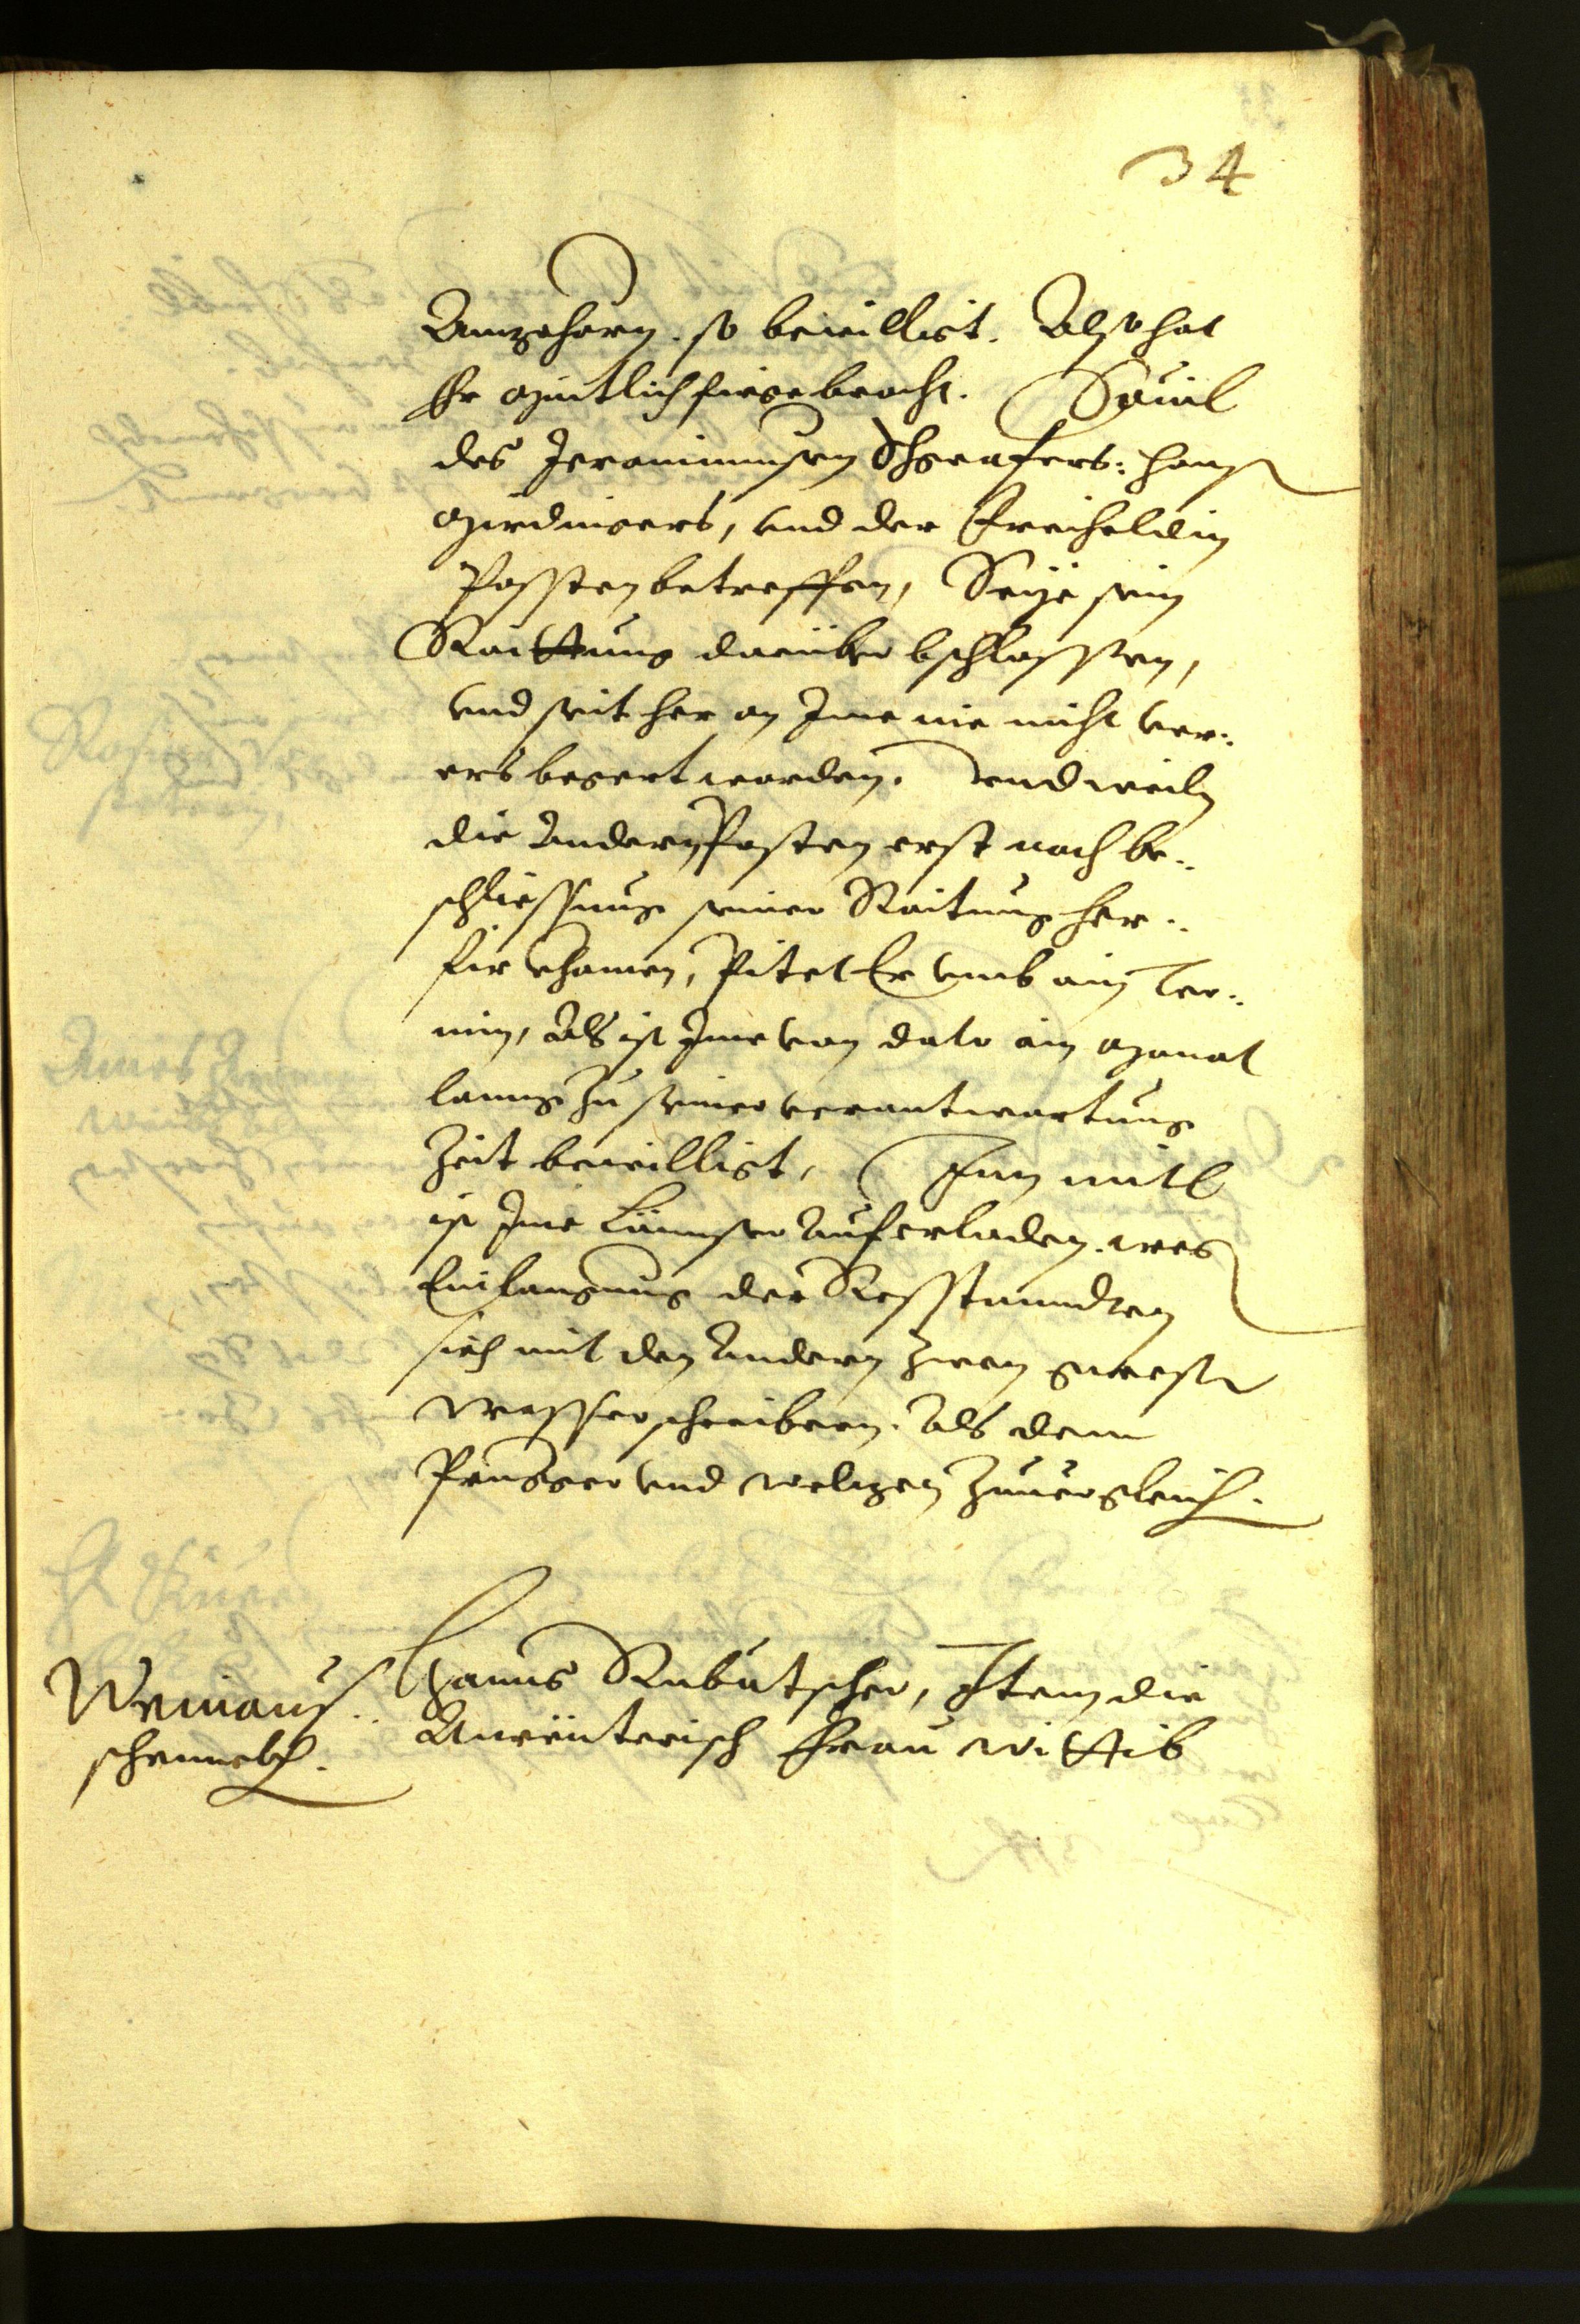34
Anzehōrn. so bewilligt. Also hat
Er Mintlich firgebracht. Soūil
Des Jeronimūsen Schgrafers: hans
Mirdingers, vnd der Freiheldin
Possten betreffen, Seÿe sein
Raittūng darüber bschlossen,
vnd seit her an Ime nie nicht ver¬
ers begert worden. Vnd weiln
die Andern Posten erst nach be¬
schliessūng seiner Raitūng her¬
fir khomen, Pitet Er vmb ain Ter¬
min, Als ist Ime von dato ain Monat
lanng Zū seiner verantwortūng
Zeit bewilligt, Inn mitl
ist Ime Lännser Aūferladen. weg
Einlangūng der Resstanndten
sich mit den Andern Zwen gwest
Wasserschreibern. Als denn
Prūgger vnd Welzen Zūuērgleich
Hanns Rubātscher, Item die
Anreüterisch Fraū Wittib
Weinaūs¬
schennckh.